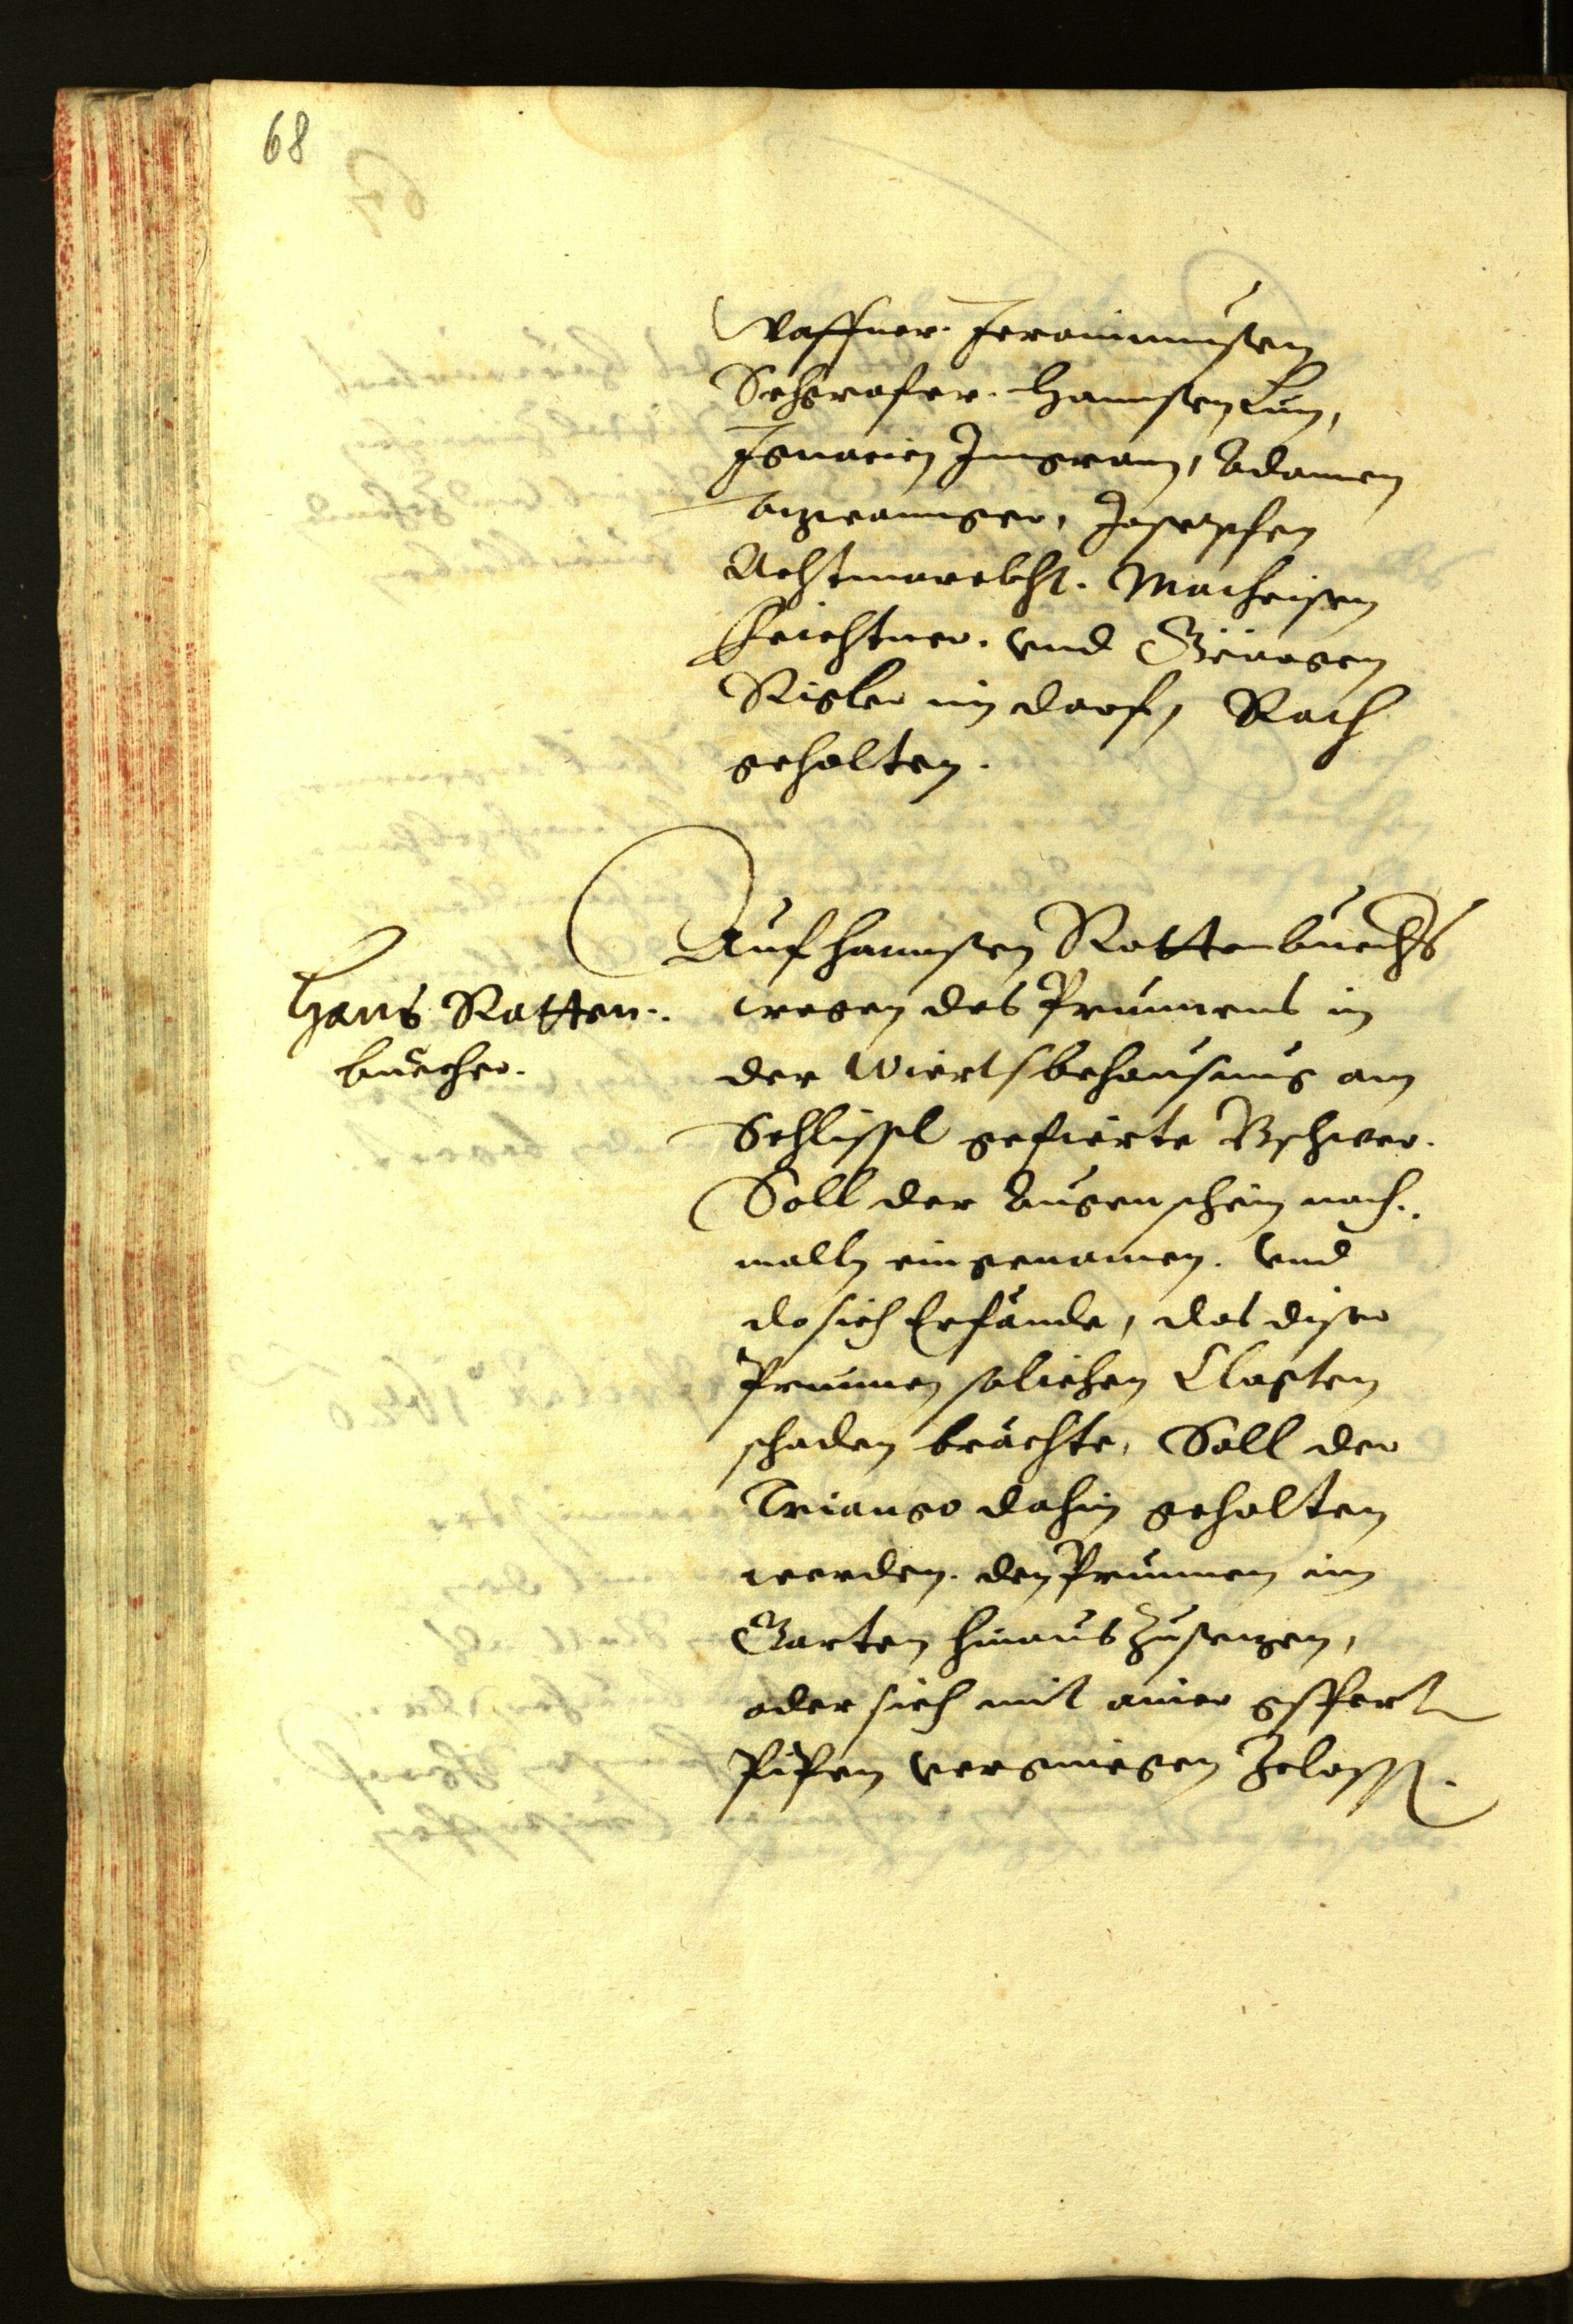68
Waffner. Jeronimūesen
Schgrafer. Hannsen Lūn,
Ignacien Inngram, Adamen
Azwannger, Joseffen
Achtmarckht. Matheisen
Feichtner. vnd Geörgen
Rigler im dorf, Rath
gehalten.
Aūf hannsen Rottenbūechs
wegen des Prūnnens in
der Wiertsbehaūsūng am
Schlissl gefierte Bschwer.
Soll der Aūgenschein noch¬
malln eingenomen. vnd
da sich Erfānde, das diser
Prūnnen solichen Clagten
schaden brāchte, Soll der
Triango dahin gehalten
werden. den Prūnnen im
Garten hinaūs Zūsezen,
aber sich mit ainer gsPert
PiPen vergniegen Zelass.
Hans Rotten¬
būecher.